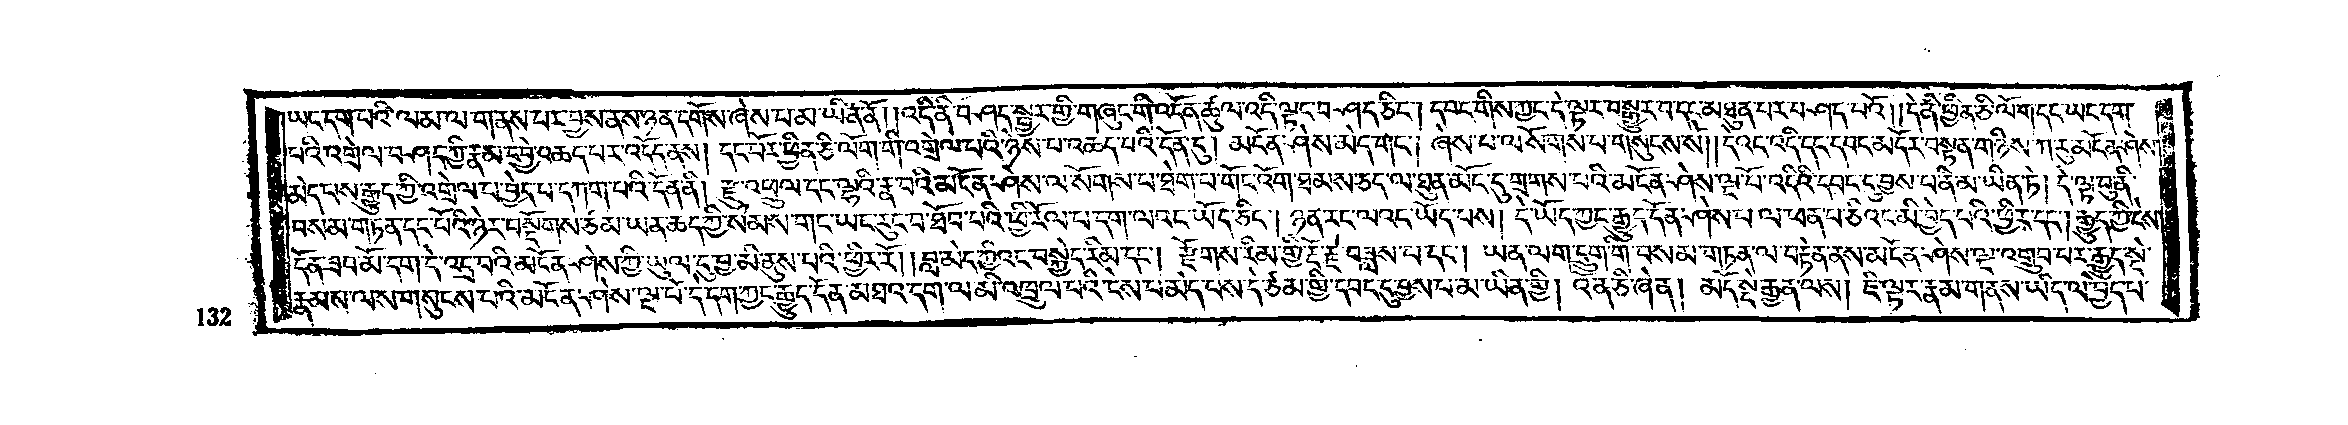ཡང་དག་པའི་ལམ་ལ་གནས་པར་བྱས་ནས་ཉན་དགོས་ཞེས་པ་མ་ཡིན་ནོ། །འདི་ནི་བཤད་སྦྱར་གྱི་གཞུང་གི་འདོན་ཚུལ་འདི་ལྟང་བཤད་ཅིང་། དབང་གིས་ཀྱང་དེ་ལྟར་བསྒྱུར་བ་དང་མཐུན་པར་བཤད་པའོ། །ད་ནི་ཕྱིན་ཅི་ལོག་དང་ཡང་དག་
པའི་འགྲེལ་བཤད་ཀྱི་རྣམ་དབྱེ་འཆད་པར་འདོད་ནས། དང་པོར་ཕྱིན་ཅི་ལོག་གི་འགྲེལ་པའི་ཉེས་པ་འཆད་པའི་དོན་དུ། མངོན་ཤེས་མེད་གང་། ཞེས་པ་ལ་སོགས་པ་གསུངས་སོ། །དེའང་འདི་དང་དབང་མདོར་བསྟན་གཉིས་ཀ་རུ་མངོན་ཤེས་
མེད་པས་རྒྱུད་ཀྱི་འགྲེལ་པ་བྱེད་པ་དཀག་པའི་དོན་ནི། རྫུ་འཕྲུལ་དང་ལྷའི་རྣ་བའི་མངོན་ཤེས་ལ་སོགས་པ་ཐེག་པ་གོང་འོག་ཐམས་ཅད་ལ་ཐུན་མོང་དུ་གྲགས་པའི་མངོན་ཤེས་ལྔ་པོ་འདིའི་དབང་དུ་བྱས་པ་ནི་མ་ཡིན་ཏེ། དེ་ལྟ་བུ་ནི་
བསམ་གཏན་དང་པོའི་ཉེར་བསྡོགས་ཙམ་ཡན་ཆད་ཀྱི་སེམས་གང་ཡང་རུང་བ་ཐོབ་པའི་ཕྱི་རོལ་པ་དག་ལའང་ཡོད་ཅིང་། ཉན་རང་ལའང་ཡོད་པས། དེ་ཡོད་ཀྱང་རྒྱུད་དོན་ཤེས་པ་ལ་ཕན་པ་ཅིའང་མི་བྱེད་པའི་ཕྱིར་དང་། རྒྱུད་ཀྱི་ངེས་
དོན་ཟབ་མོ་དག་དེ་འདྲ་བའི་མངོན་ཤེས་ཀྱི་ཡུལ་དུ་བྱ་མི་ནུས་པའི་ཕྱིར་རོ། །བླ་མེད་ཀྱིའང་བསྐྱེད་རིམ་དང་། རྫོགས་རིམ་གྱི་རྡོ་རྗེ་བཟླས་པ་དང་། ཡན་ལག་དྲུག་གི་བསམ་གཏན་ལ་བརྟེན་ནས་མངོན་ཤེས་ལྔ་འགྲུབ་པར་རྒྱུད་སྡེ་
རྣམས་ལས་གསུངས་པའི་མངོན་ཤེས་ལྔ་པོ་དེ་དག་ཀྱང་རྒྱུད་དོན་མཐའ་དག་ལ་མི་འཁྲུལ་པའི་ངེས་པ་མེད་པས་དེ་ཙམ་གྱི་དབང་དུ་བྱས་པ་མ་ཡིན་གྱི། འོ་ན་ཅི་ཞེ་ན། མདོ་སྡེ་རྒྱན་ལས། ཇི་ལྟར་རྣམ་གནས་ཡིད་ལ་བྱེད་པ་